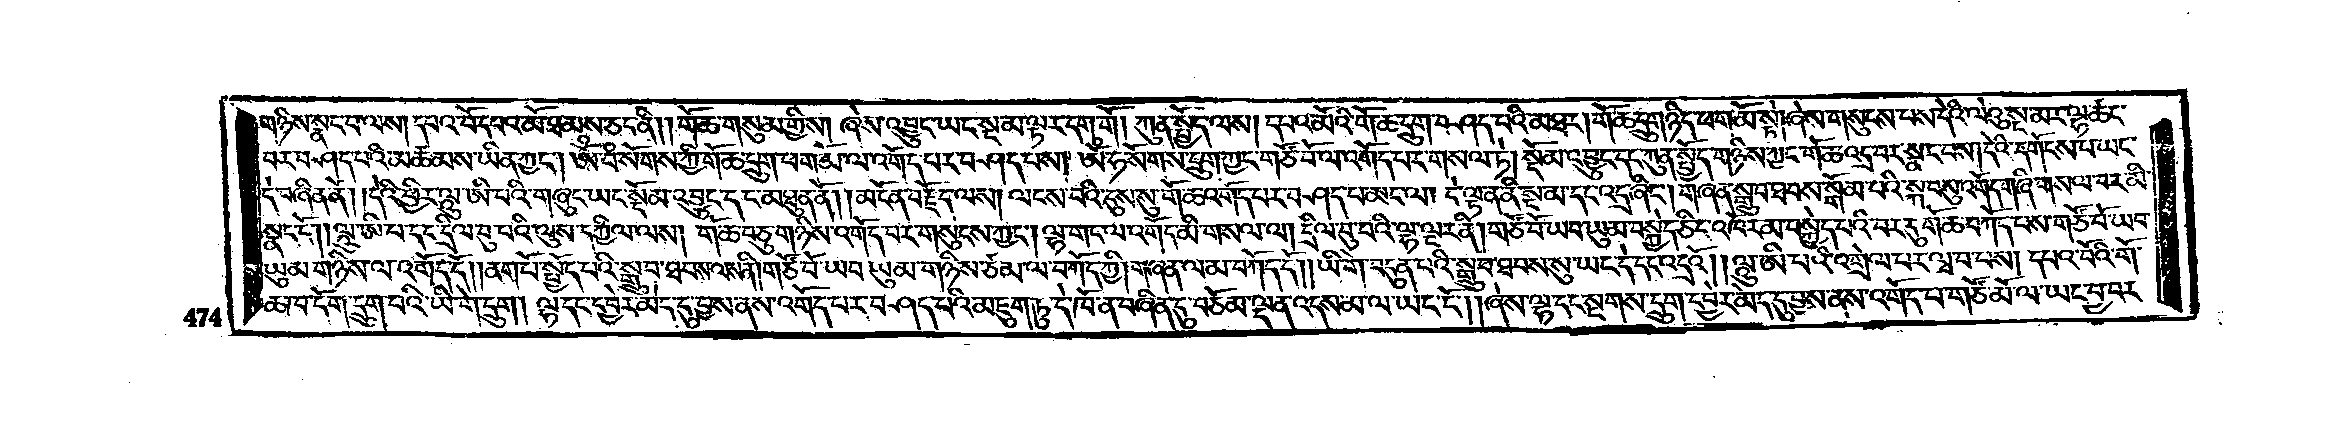གཉིས་སྣང་བ་ལས། དཔའ་བོ་དཔའ་མོ་ཐམས་ཅད་ནི། །གོ་ཆ་གསུམ་གྱིས། ཞེས་འབྱུང་ཡང་སྔ་མ་ལྟར་དག་གོ །ཀུན་སྤྱོད་ལས། དཔའ་མོའི་གོ་ཆ་དྲུག་བཤད་པའི་མཐར། གོ་ཆ་དྲུག་ཉིད་ཕག་མོ་སྟེ། ཞེས་གསུངས་པས་དེའི་ལེའུ་སྔ་མར་ལྷ་ཚང་
བར་བཤད་པའི་མཚམས་ཡིན་ཀྱང་། ཨོཾ་བཾ་སོགས་ཀྱི་གོ་ཆ་དྲུག་ཕག་མོ་ལ་འགོད་པར་བཤད་པས། ཨོཾ་ཧ་སོགས་དྲུག་ཀྱང་གཙོ་བོ་ལ་འགོད་པར་གསལ་ཏེ། སྡོམ་འབྱུང་དང་ཀུན་སྤྱོད་གཉིས་ཀྱང་གོ་ཆ་འདྲ་བར་སྣང་བས། དེའི་དགོངས་པ་ཡང་
དེ་བཞིན་ནོ། །དེའི་ཕྱིར་ལཱུ་ཨི་པའི་གཞུང་ཡང་སྡོམ་འབྱུང་དང་མཐུན་ནོ། །མངོན་བརྗོད་ལས། ལངས་པའི་དུས་སུ་གོ་ཆ་འགོད་པར་བཤད་པ་མང་ལ། དེ་ལྟ་ན་ནི་སྔ་མ་དང་འདྲ་ཞིང་། གཞན་སྒྲུབ་ཐབས་སྒོམ་པའི་སྐབས་སུ་འགོད་གཞི་གསལ་བར་མི་
སྣང་ངོ། །ལཱུ་ཨི་པ་དང་དྲིལ་བུ་པའི་ལུས་དཀྱིལ་ལས། གོ་ཆ་བཅུ་གཉིས་འགོད་པར་གསུངས་ཀྱང་། ལྷ་གང་ལ་འགོད་མི་གསལ་ལ། དྲིལ་བུ་པའི་ལྷ་ལྔར་ནི། གཙོ་བོ་ཡབ་ཡུམ་བསྐྱེད་ཅིང་འཁོར་མ་བསྐྱེད་པའི་བར་དུ་གོ་ཆ་བཀོད་པས་གཙོ་བོ་ཡབ་
ཡུམ་གཉིས་ལ་འགོད་དོ། །ནག་པོ་སྤྱོད་པའི་སྒྲུབ་ཐབས་ལས་ནི། གཙོ་བོ་ཡབ་ཡུམ་གཉིས་ཙམ་ལ་བཀོད་ཀྱི། གཞན་ལ་མ་བཀོད་དོ། །ཡི་གེ་བདུན་པའི་སྒྲུབ་ཐབས་སུ་ཡང་དེ་དང་འདྲའོ། །ལཱུ་ཨི་པའི་འགྲེལ་པར་ལྭ་བ་པས། དཔའ་བོའི་གོ་
ཆ་ཁ་དོག་དྲུག་པའི་ཡི་གེ་དྲུག །ལྷ་དང་དབྱེར་མེད་དུ་བྱས་ནས་འགོད་པར་བཤད་པའི་མཇུག་ཏུ་དེ་ཁོ་ན་བཞིན་དུ་བཅོམ་ལྡན་འདས་མ་ལ་ཡང་ངོ། །ཞེས་ལྷ་དང་སྔགས་དྲུག་དབྱེར་མེད་དུ་བྱས་ནས་འགོད་པ་གཙོ་མོ་ལ་ཡང་བྱ་བར་